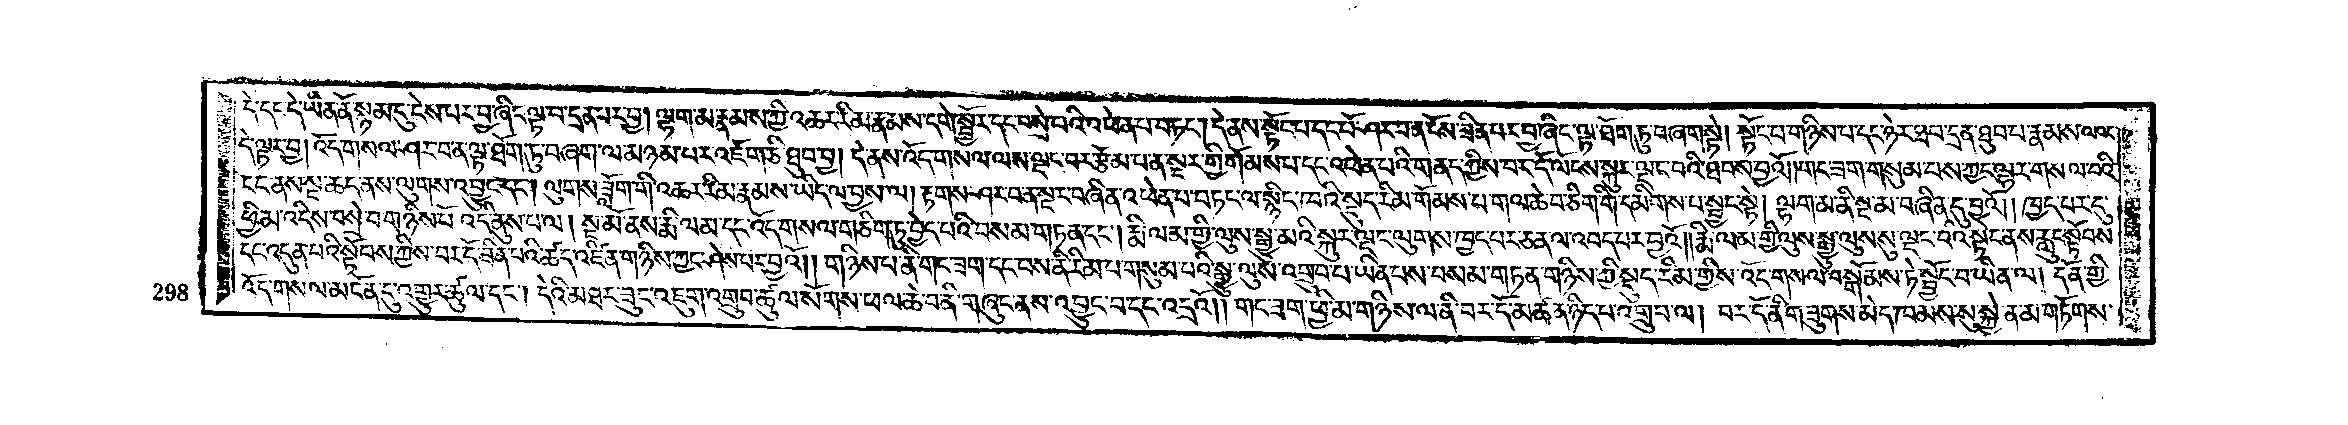དེ་དང་དེ་ཡིན་ནོ་སྙམ་དུ་ངེས་པར་བྱ་ཞིང་ལྟ་བ་དྲན་པར་བྱ། ལྷག་མ་རྣམས་ཀྱི་འཆར་རིམ་རྣམས་དགེ་སྦྱོར་དང་བསྲེ་བའི་འཕེན་པ་བཏང་། དེ་ནས་སྟོང་པ་དང་པོ་ཤར་བ་ན་ངོས་ཟིན་པར་བྱ་ཞིང་ལྟ་ཐོག་ཏུ་བཞག་སྟེ། སྟོང་པ་གཉིས་པ་དང་ཉེར་ཐོབ་དྲན་ཐུབ་པ་རྣམས་ལའང་
དེ་ལྟར་བྱ། འོད་གསལ་ཤར་བ་ན་ལྟ་ཐོག་ཏུ་བཞག་ལ་མཉམ་པར་འཇོག་ཅི་ཐུབ་བྱ། དེ་ནས་འོད་གསལ་ལས་ལྡང་བར་རྩོམ་པ་ན་སྔར་གྱི་གོམས་པ་དང་འཕེན་པའི་གནད་ཀྱིས་བར་དོ་ལོངས་སྐུར་ལྡང་བའི་ཐབས་བྱའོ། །གང་ཟག་གསུམ་པས་ཀྱང་ལྷར་གསལ་བའི་
ངང་ནས་སྔ་ཆད་ནས་ལུགས་འབྱུང་དང་། ལུགས་ཟློག་གི་འཆར་རིམ་རྣམས་ཡིད་ལ་བྱས་ལ། རྟགས་ཤར་བ་ན་སྔར་བཞིན་འཕེན་པ་བཏང་ལ་སྙིང་ཁའི་སྡུད་རིམ་གོམས་པ་གལ་ཆེ་བ་ཅིག་གི་དམིགས་པ་སྦྱང་སྟེ། ལྷག་མ་ནི་སྔ་མ་བཞིན་དུ་བྱའོ། །ཁྱད་པར་དུ་
ཕྱི་མ་འདིས་བསྲེ་བ་གཉིས་པོ་འདི་ནུས་པ་ལ། སྔ་མོ་ནས་རྨི་ལམ་དང་འོད་གསལ་གཅིག་ཏུ་བྱེད་པའི་བསམ་གཏན་དང་། རྨི་ལམ་གྱི་ལུས་སྒྱུ་མའི་སྐུར་ལྡང་ལུགས་ཁྱད་པར་ཅན་ལ་འབད་པར་བྱའོ། །རྨི་ལམ་གྱི་ལུས་སྒྱུ་ལུས་སུ་ལྡང་བའི་སྟེང་ནས་རླུང་སྟོབས་
དང་འདུན་པའི་སྟོབས་ཀྱིས་བར་དོ་ཟིན་པའི་ཚད་འཛིན་གཉིས་ཀྱང་ཤེས་པར་བྱའོ། །གཉིས་པ་ནི་གང་ཟག་དང་པས་ནི་རིམ་པ་གསུམ་པའི་སྒྱུ་ལུས་འགྲུབ་པ་ཡིན་པས་བསམ་གཏན་གཉིས་ཀྱི་སྡུད་རིམ་གྱིས་འོད་གསལ་བསྒོམས་ཏེ་སྦྱོང་བ་ཡིན་ལ། དོན་གྱི་
འོད་གསལ་མངོན་དུ་འགྱུར་ཚུལ་དང་། དེའི་མཐར་ཟུང་འཇུག་འགྲུབ་ཚུལ་སོགས་ཕལ་ཆེ་བ་ནི་གཞུང་ནས་འབྱུང་བ་དང་འདྲའོ། །གང་ཟག་ཕྱི་མ་གཉིས་ལ་ནི་བར་དོ་མཚན་ཉིད་པ་འགྲུབ་ལ། བར་དོ་ནི་གཟུགས་མེད་ཁམས་སུ་སྐྱེ་ན་མ་གཏོགས་